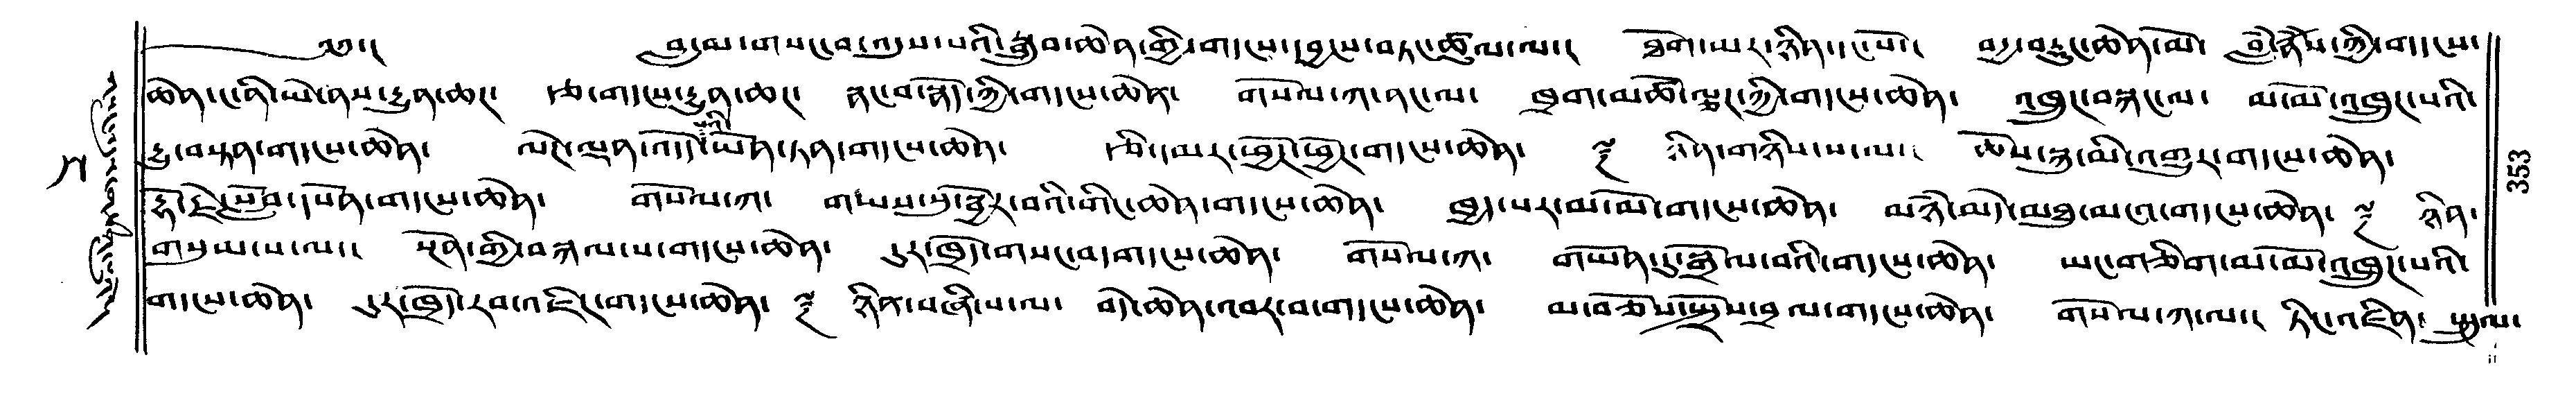༄༅། བླ་མ་གསང་བ་འདུས་པའི་སྒྲུབ་ཆེན་གྱི་གདངས་དབྱངས་གཏོང་ཚུལ་ལ། ཐོག་མར་ཉིན་དང་པོ་བརྒྱ་རྡུང་ཆེན་མོ། བླ་མ་རྣམས་ཀྱི༴ གདངས་
ཆེན། ང་ནི་ཡེ་ནས༴ རྒྱུན་ཆགས། རྩ་གདངས་རྒྱུན་ཆགས། སྣང་བ་སྣོད་ཀྱི༴ གདངས་ཆེན། གསོལ་ཀ་ནང་ལ། ཁྲག་མཚོ་ལྕགས་ཀྱི༴ གདངས་ཆེན། འཁྲུགས་སྐོང་ལ། མ་མོ་འཁྲུགས་པའི་
རྒྱུ་བསྟན༴ གདངས་ཆེན། ལེགས་ལྡན། འདོད་པའི་ཡོན་ཏན༴ གདངས་ཆེན། རྩི་དམར། ཕྱོགས་ཕྱོགས༴ གདངས་ཆེན། ༈ ཉིན་གཉིས་པ་ལ། ཆོས་སྐུ་མི་འགྱུར༴ གདངས་ཆེན། 
རྡོ་རྗེ་སློབ་དཔོན༴ གདངས་ཆེན། གསོལ་ཀ གཡས་སུ་སྦྱོར་བའི་གིང་ཆེན༴ གདངས་ཆེན། ཁྱད་པར་མ་མོ༴ གདངས་ཆེན། མཉམ་མེད་མཐུ་མངའ༴ གདངས་ཆེན། ༈ ཉིན་
གསུམ་པ་ལ། སྔོན་གྱི་བསྐལ་པ༴ གདངས་ཆེན། དུར་ཁྲོད་གསང་བ༴ གདངས་ཆེན། གསོལ་ཀ གཡོན་དུ་སྒྲོལ་བའི༴ གདངས་ཆེན། ཡང་གཅིག་མ་མོ་འཁྲུགས་པའི༴ 
གདངས་ཆེན། དུར་ཁྲོད་རབ་འཇིགས༴ གདངས་ཆེན། ༈ ཉིན་བཞི་པ་ལ། བདེ་ཆེན་འབར་བ༴ གདངས་ཆེན། མ་བཅོས་སྤྲོས་བྲལ༴ གདངས་ཆེན། གསོལ་ཀ་ལ། ཏིང་འཛིན་སྤྲུལ་